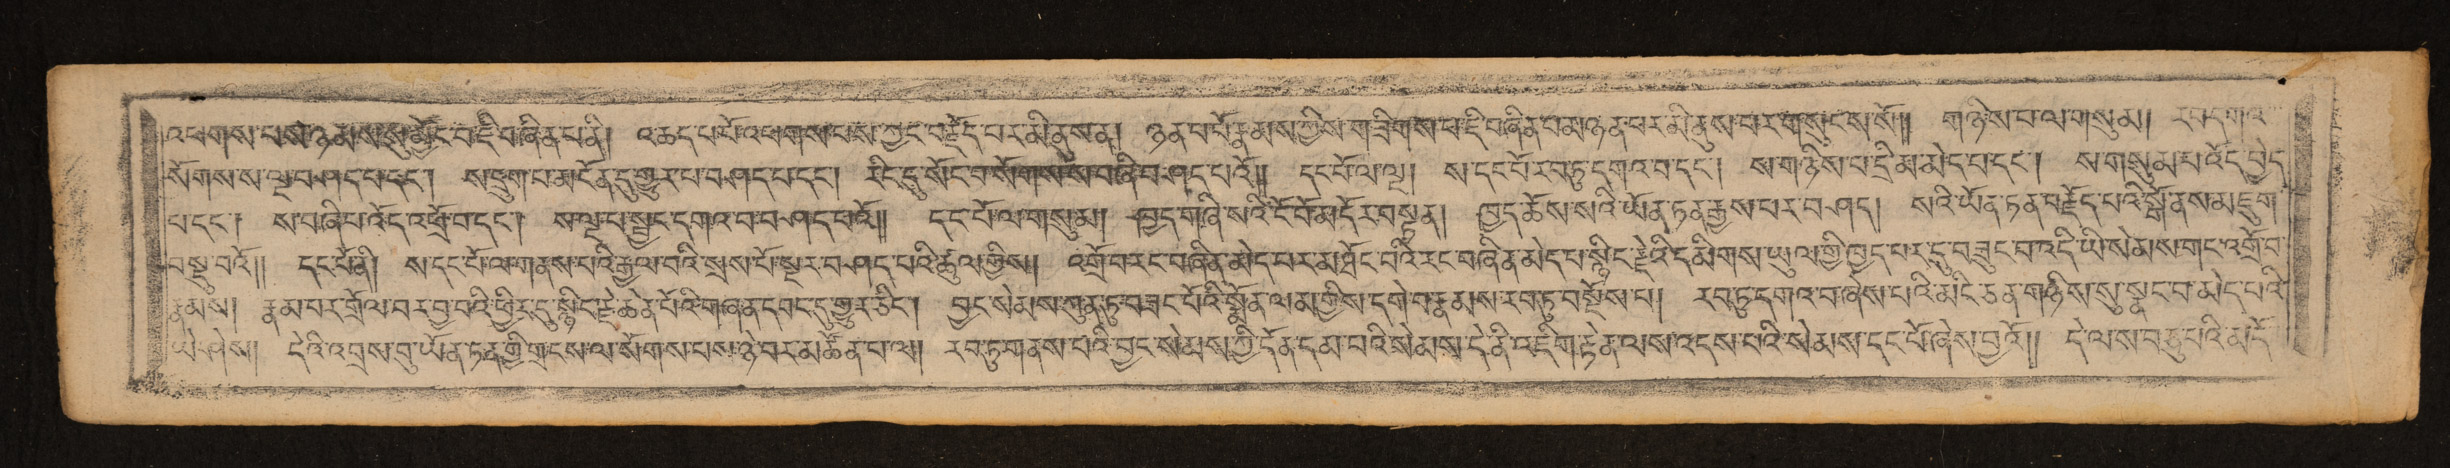འཕགས་པས་ཉམས་སུ་མྱོང་བ་ཇི་བཞིན་པ་ནི། འཆད་པ་པོ་འཕགས་པས་ཀྱང་བརྗོད་པར་མི་ནུས་ན། ཉན་པ་པོ་རྣམས་ཀྱིས་གཟིགས་པ་ཇི་བཞིན་པ་མཉན་པར་མི་ནུས་པར་གསུངས་སོ།། གཉིས་པ་ལ་གསུམ། རབ་དགའ་
སོགས་ས་ལྔ་བཤད་པ་དང་། ས་དྲུག་པ་མངོན་དུ་གྱུར་པ་བཤད་པ་དང་། རིང་དུ་སོང་བ་སོགས་ས་བཞི་བཤད་པའོ།། དང་པོ་ལ་ལྔ། ས་དང་པོ་རབ་ཏུ་དགའ་བ་དང་། ས་གཉིས་པ་དྲི་མ་མེད་པ་དང་། ས་གསུམ་པ་འོད་བྱེད་
པ་དང་། ས་བཞི་པ་འོད་འཕྲོ་བ་དང་། ས་ལྔ་པ་སྦྱང་དཀའ་བ་བཤད་པའོ།། དང་པོ་ལ་གསུམ། ཁྱད་གཞི་སའི་ངོ་བོ་མདོར་བསྟན། ཁྱད་ཆོས་སའི་ཡོན་ཏན་རྒྱས་པར་བཤད། སའི་ཡོན་ཏན་བརྗོད་པའི་སྒོ་ནས་མཇུག་
བསྡུ་བའོ།། དང་པོ་ནི། ས་དང་པོ་ལ་གནས་པའི་རྒྱལ་བའི་སྲས་པོ་སྔར་བཤད་པའི་ཚུལ་གྱིས། འགྲོ་བ་རང་བཞིན་མེད་པར་མཐོང་བའི་རང་བཞིན་མེད་པ་སྙིང་རྗེའི་དམིགས་ཡུལ་གྱི་ཁྱད་པར་དུ་བཟུང་བ་འདི་ཡི་སེམས་གང་འགྲོ་བ་
རྣམས། རྣམ་པར་གྲོལ་བར་བྱ་བའི་ཕྱིར་དུ་སྙིང་རྗེ་ཆེན་པོའི་གཞན་དབང་དུ་གྱུར་ཅིང་། བྱང་སེམས་ཀུན་ཏུ་བཟང་པོའི་སྨོན་ལམ་གྱིས་དགེ་བ་རྣམས་རབ་ཏུ་བསྔོས་པ། རབ་ཏུ་དགའ་བ་ཞེས་པའི་མིང་ཅན་གཉིས་སུ་སྣང་བ་མེད་པའི་
ཡེ་ཤེས། དེའི་འབྲས་བུ་ཡོན་ཏན་གྱི་གྲངས་ལ་སོགས་པས་ཉེ་བར་མཚོན་པ་ལ། རབ་ཏུ་གནས་པའི་བྱང་སེམས་ཀྱི་དོན་དམ་པའི་སེམས་དེ་ནི་འཇིག་རྟེན་ལས་འདས་པའི་སེམས་དང་པོ་ཞེས་བྱའོ།། དེ་ལ་ས་བཅུ་པའི་མདོ་